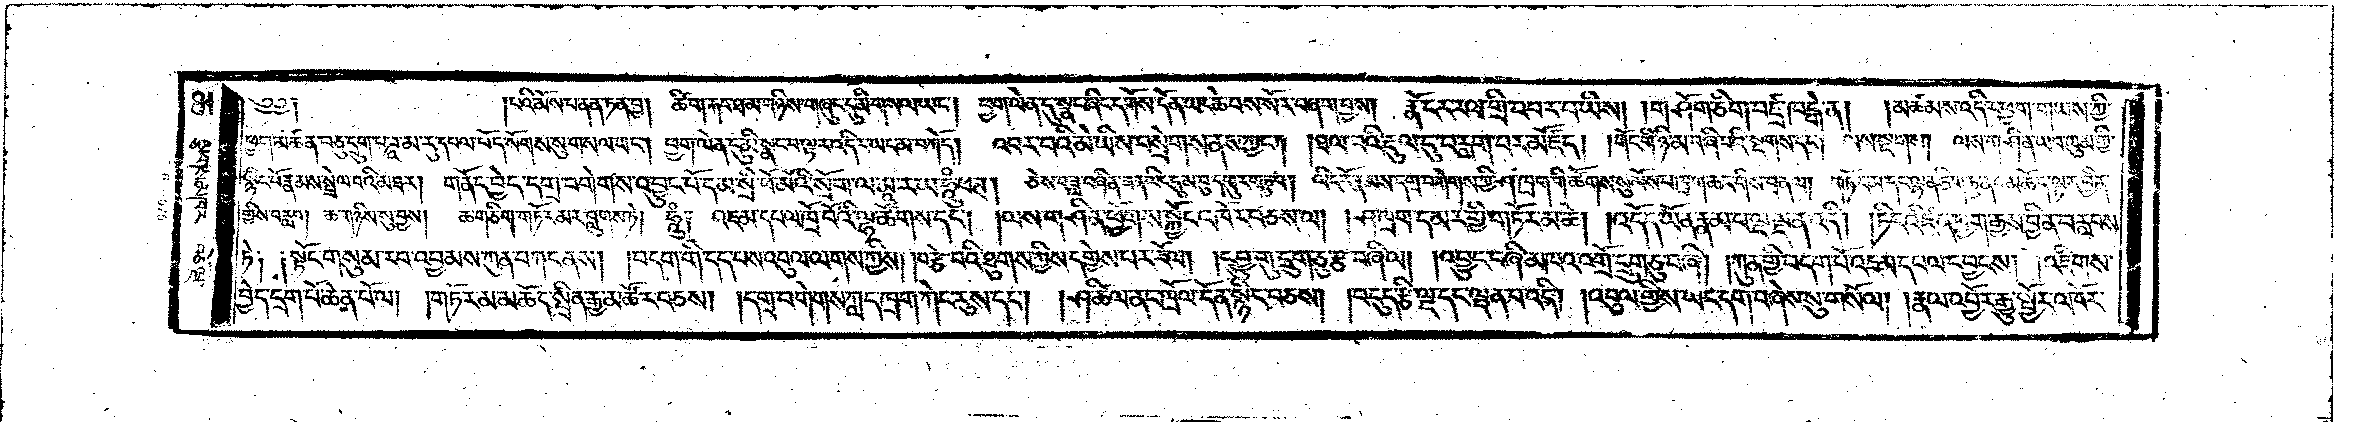༄༅། །པའི་མོས་པ་ནན་ཏན་བྱ། །ཚིག་རྐང་ཐ་མ་གཉིས་གཞུང་དུ་མི་གསལ་ཡང་། །ཕྱག་ལེན་དུ་སྣང་ཞིང་དགོས་དོན་ཡང་ཆེ་པས་སོར་བཞག་བྱས། །རྣོ་ངར་རལ་གྲི་འབར་བ་ཡིས། །གཤོག་ཅིག་བཛྲ་ཁངྒེ། ན། མཚམས་འདིར་ཕྱག་གཡས་ཀྱི་ཕྱག་
མཚན་བཅུ་དྲུག་པ་ཌཱ་མ་རུ་དཔལ་པོད་སོགས་སུ་གསལ་ཡང་། །ཕྱག་ལེན་དུ་མི་སྣང་བལྟར་འདིར་ཡང་མ་བཀོད། འབར་བའི་མེ་ཡིས་བསྲེགས་ནས་ཀྱང་། །ཧལ་བའི་རྡུལ་དུ་བརླག་པར་མཛོད། །གོང་གི་ཉི་མ་བཞི་པའི་སྔགས་དང་། ལས་སྔགས། ལས་གཤིན་ཡབ་ཡུམ་གྱི་
སྙིང་པོ་རྣམས་སྦྲེལ་བའི་མཐར། གནོད་བྱེད་དགྲ་བགེགས་འབྱུང་པོ་དམ་སྲི་ཕོ་མོའི་སྲོག་ལ་མཱ་ར་ཡ་ཧཱུཾ་ཕཊ། ཅེས་བཟླ་བཞིན་ཟན་ལིང་དུམ་བུ་དགུར་གཏུབ། ལིང་རོ་མས་དགྲ་བགེགས་ཀྱི་ཤ་ཁྲག་གི་ཚོགས་སུ་མོས་པ་ཁྲག་ཆང་གིས་བྲན་ལ། གཏོར་མ་དང་ལྷན་ཅིག་ཏུ་ནང་མཆོད་ལྟར་བྱིན་
གྱིས་བརླབ། ཆ་གཉིས་སུ་བྱས། ཆ་གཅིག་གཏོར་མར་བླུགས་དེ། ཧཱུཾ༑ འཇམ་དཔལ་ཁྲོ་བོའི་ལྷ་ཚོགས་དང་། །ལས་གཤན་ཕྱོགས་སྐྱོང་འཁོར་བཅས་ལ། །ཤ་ཁྲག་དམར་གྱི་གཏོར་མ་ཆེ། །འདོད་ཡོན་རྣམས་པ་ལྔ་ལྡན་འདི། །ཏིང་འཛིན་ཕྱག་རྒྱས་བྱིན་བརླབས་
ཏེ༑ ༑སྟོང་གསུམ་རབ་འབྱམས་ཀུན་བཀང་ནས། །བདག་གི་དད་པས་འབུལ་ལགས་ཀྱིས། །བརྩེ་བའི་ཐུགས་ཀྱིས་དགྱེས་པར་ཟོལ། །དབྱུག་གུ་དྲུག་ཅུ་རྩ་བཞི་ལ། །འབྱུང་བཞི་མཁའ་འགྲོ་དྲུག་ཅུ་བཞི། །ཀུན་གྱི་བདག་པོ་འཇམ་དཔལ་དབྱངས། །འཇིགས་
བྱེད་དྲག་པོ་ཆེན་པོ་ལ། །གཏོར་མ་མཆོད་སྤྲིན་རྒྱ་མཚོར་བཅས། །དགྲ་བགེགས་ཀླད་ཁྲག་གེང་རུས་དང་། །ཤ་ཚིལ་ནང་ཁྲོལ་དོན་སྙིང་བཅས། །བདུད་རྩི་ལྔ་དང་ལྡན་པ་འདི། །འབུལ་གྱིས་ཡང་དག་པ་ཞེས་སུ་གསོལ། །རྣལ་འབྱོར་རྒྱུ་སྦྱོར་འཁོར་